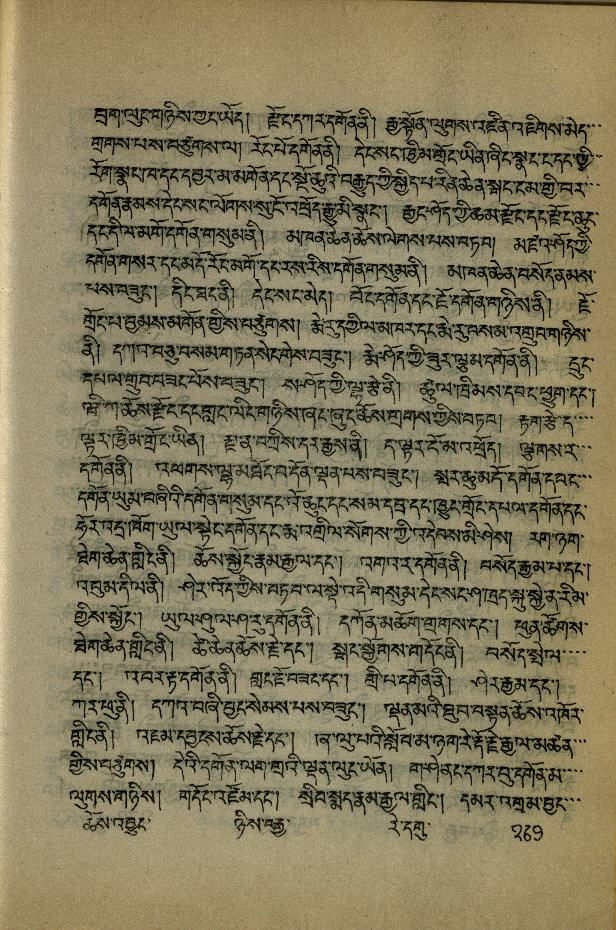བྲག་ལུང་གཉིས་ཀྱང་ཡོད། རྫོང་དཀར་དགོན་ནི། རྒྱ་སྟོན་ལུགས་འཛིན་འཇིགས་མེད་
གྲགས་པས་བཙུགས་ལ། རོང་པོ་དགོན་ནི། དེང་སང་ཁྱིམ་གྲོང་ཡིན་ཞིང་སྣང་ང་དང་ཀྱི་
རོག་སྣང་ཁ་དང་དབྱར་མ་མགོན་དང་སྔོ་ཆུའི་བརྒྱུད་ཀྱི་སྐྱིད་པ་རིན་ཆེན་སྒང་ངམ་གྱི་བར་
དགོན་རྣམས་དེང་སང་ལོགས་སུ་ངོ་འཕྲོད་རྒྱུ་མི་སྣང་། རྒྱང་ཤོད་ཀྱི་ཆམ་རྫོང་དང་རྫོང་ཆུང་
དང་དི་ལ་མགོ་དགོན་གསུམ་ནི། མཁན་ཆེན་ཆོས་ལེགས་པས་བཏབ། མཛའ་ཤོད་ཀྱི་
དགོན་གསར་དང་མདོ་རོང་མགོ་དང་རས་རིས་དགོན་གསུམ་ནི། མཁན་ཆེན་བསོད་ནམས་
པས་བཟུང་། དིང་ཐང་ནི། དེང་སང་མེད། བོང་དགོན་དང་ཇོ་དགོན་གཉིས་ནི། ཇོ་
གྲོང་པ་བྱམས་མགོན་གྱིས་བཙུགས། རྨེ་རུ་དཀྱིལ་མཁར་དང་རྨེ་རུ་བསམ་འགྲུབ་གཉིས་
ནི། དཀའ་བཅུ་བསམ་གཏན་སེང་གེས་བཟུང་། རྨེ་ཤོད་ཀྱི་ཟུར་ལྕམ་དགོན་ནི། དྲུང་
དཔལ་གྲུབ་བཟང་པོས་བཟུང་། ས་ཤོད་ཀྱི་ལྷ་རྩེ་ནི། ཚུལ་ཁྲིམས་དབང་ཕྱུག་དང་།
ཝི་ཀ་ཆོས་རྫོང་དང་གླང་ལིང་གཉིས་ཞང་ཞུང་ཆོས་གྲགས་ཀྱིས་བཏབ། རྟག་རྩེ་ད་
ལྟར་ཁྱིམ་གྲོང་ཡིན། རྫ་ན་བཀྲིས་དར་རྒྱས་ནི། ད་ལྟར་ངོ་མ་འཕྲོད། ལྕགས་ར་
དགོན་ནི། འཕགས་ལྷ་མཐོང་བ་དོན་ལྡན་པས་བཟུང་། སྤར་ཆུ་མདོ་དགོན་དབང་
དགོན་ཡུམ་བཞིའི་དགོན་གསུམ་དང་འོ་ཆུང་དང་སམ་དབྲ་དང་ཁྱུང་གྲོང་དཔལ་དགོན་དང་
ཧོར་འདྲ་ཁོག་ཡུལ་སྟེང་དགོན་དང་རྨ་འགྲིལ་སོགས་ཀྱི་འདེབས་མི་ཤེས། རག་ཉག་
ཐེག་ཆེན་གླིང་ནི། ཆོས་སྐྱོང་རྣམ་རྒྱལ་དང་། འགའ་ར་དགོན་ནི། བསོད་རྒྱམ་པ་དང་།
འབུམ་དི་ལ་ནི། ཤེར་འོད་ཀྱིས་བཏབ་ལ་སྡེ་འདི་གསུམ་དེང་སང་ཤ་ཁྲད་སྐུ་སྐྱེ་ན་རིམ་
གྱིས་སྐྱོང་། ཡུལ་ཤུལ་ཤ་རུ་དགོན་ནི། དཀོན་མཆོག་གྲགས་དང་། ཕུན་ཚོགས་
ཐེག་ཆེན་གླིང་ནི། ཚེ་ཆེན་ཆོས་རྗེ་དང་། སྒང་སྐྱོངས་གདོང་ནི། བསོད་སྤེལ་
དང་། འབར་རྟ་དགོན་ནི། གླང་ཇོ་བཟང་དང་། གྲི་པ་དགོན་ནི། ཤེར་རྒྱམ་དང་།
ཀར་ཕུ་ནི། དཀའ་བཞི་བྱང་སེམས་པས་བཟུང་། ལྡན་མའི་ཐུབ་བསྟན་ཆོས་འཁོར་
གླིང་ནི། འཇམ་དབྱངས་ཆོས་རྗེ་དང་། ཞ་ལུ་པའི་སློབ་མ་ཉག་རེ་རྡོ་རྗེ་རྒྱལ་མཚན་
གྱིས་བཙུགས། དེའི་དགོན་ལག་གྲའི་ལྡན་ལུང་ཡོན། གཤེ་ནང་དཀར་བུ་དགོན་མ་
ལུགས་གཉིས། གདོང་འཛོམ་དང་། སྲིབ་སྨད་རྣམ་རྒྱལ་གླིང་། དམར་འགྲམ་བྱང་